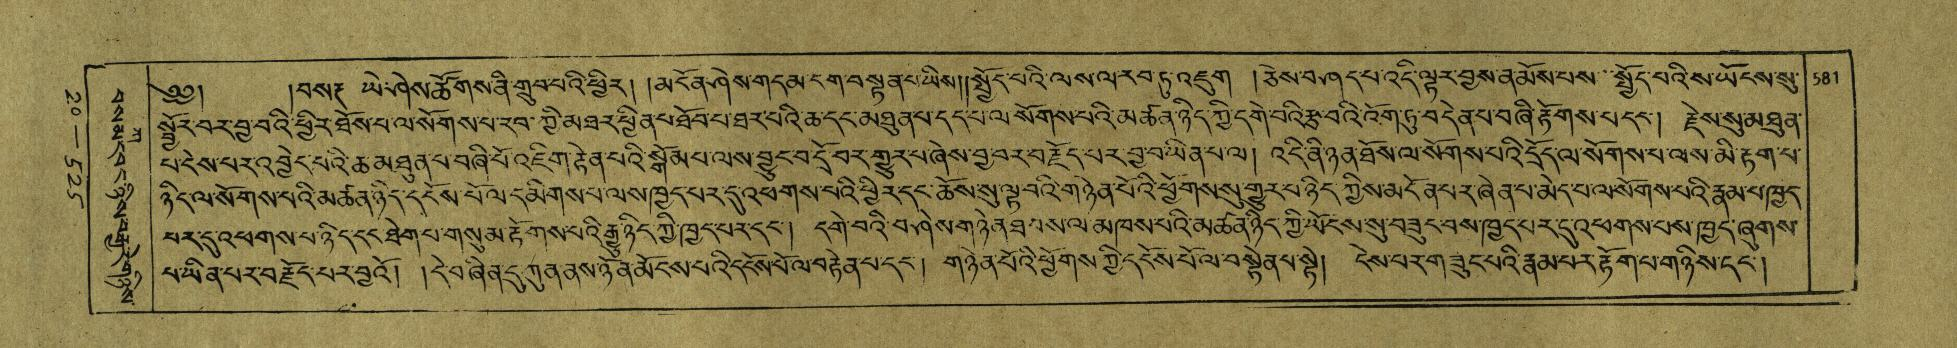༄༅། །བས༑ ཡེ་ཤེས་ཚོགས་ནི་གྲུབ་པའི་ཕྱིར། །མངོན་ཤེས་གདམ་དག་བསྟན་པ་ཡིས། །སྤྱོད་པའི་ལས་ལ་རབ་ཏུ་འཇུག །ཅེས་བཤད་པ་འདི་ལྟར་བྱས་ན་མོས་པས་སྤྱོད་པའི་ས་ཡོངས་སུ་
སྦྱོར་བར་བྱ་བའི་ཕྱིར་ཐོས་པ་ལ་སོགས་པ་རབ་ཀྱི་མཐར་ཕྱིན་པ་ཐོབ་པ་ཐར་པའི་ཆ་དང་མཐུན་པ་དད་པ་ལ་སོགས་པའི་མཚན་ཉིད་ཀྱི་དགེ་བའི་རྩ་བའི་འོག་ཏུ་བདེན་པ་བཞི་རྟོགས་པ་དང་། རྗེས་སུ་མཐུན་
པ་ངེས་པར་འབྱེད་པའི་ཆ་མཐུན་པ་བཞི་པོ་འཇིག་རྟེན་པའི་སྒོམ་པ་ལས་བྱུང་བ་དྲོ་བར་གྱུར་པ་ཞེས་བྱ་བར་བརྗོད་པར་བྱ་བ་ཡིན་པ་ལ། འདི་ནི་ཉན་ཐོས་ལ་སོགས་པའི་དྲོད་ལ་སོགས་པ་ལས་མི་རྟག་པ་
ཉིད་ལ་སོགས་པའི་མཚན་ཉིད་དངོས་པོ་ལ་དམིགས་པ་ལས་ཁྱད་པར་དུ་འཕགས་པའི་ཕྱིར་དང་ཆོས་སུ་ལྟ་བའི་གཉེན་པོའི་ཕྱོགས་སུ་གྱུར་པ་ཉིད་ཀྱིས་མངོན་པར་ཞེན་པ་མེད་པ་ལ་སོགས་པའི་རྣམ་པ་ཁྱད་
པར་དུ་འཕགས་པ་ཉིད་དང་ཐེག་པ་གསུམ་རྟོགས་པའི་རྒྱུ་ཉིད་ཀྱི་ཁྱད་པར་དང་། དགེ་བའི་བཤེས་གཉེན་ཐབས་ལ་མཁས་པའི་མཚན་ཉིད་ཀྱི་ཡོངས་སུ་བཟུང་བས་ཁྱད་པར་དུ་འཕགས་པས་ཁྱད་ཞུགས་
པ་ཡིན་པར་བརྗོད་པར་བྱའོ། །དེ་བཞིན་དུ་ཀུན་ནས་ཉོན་མོངས་པའི་དངོས་པོ་ལ་བརྟེན་པ་དང་། གཉེན་པོའི་ཕྱོགས་ཀྱི་དངོས་པོ་ལ་བསྟེན་པ་སྟེ། ངེས་པར་གཟུང་པའི་རྣམ་པར་རྟོག་པ་གཉིས་དང་།